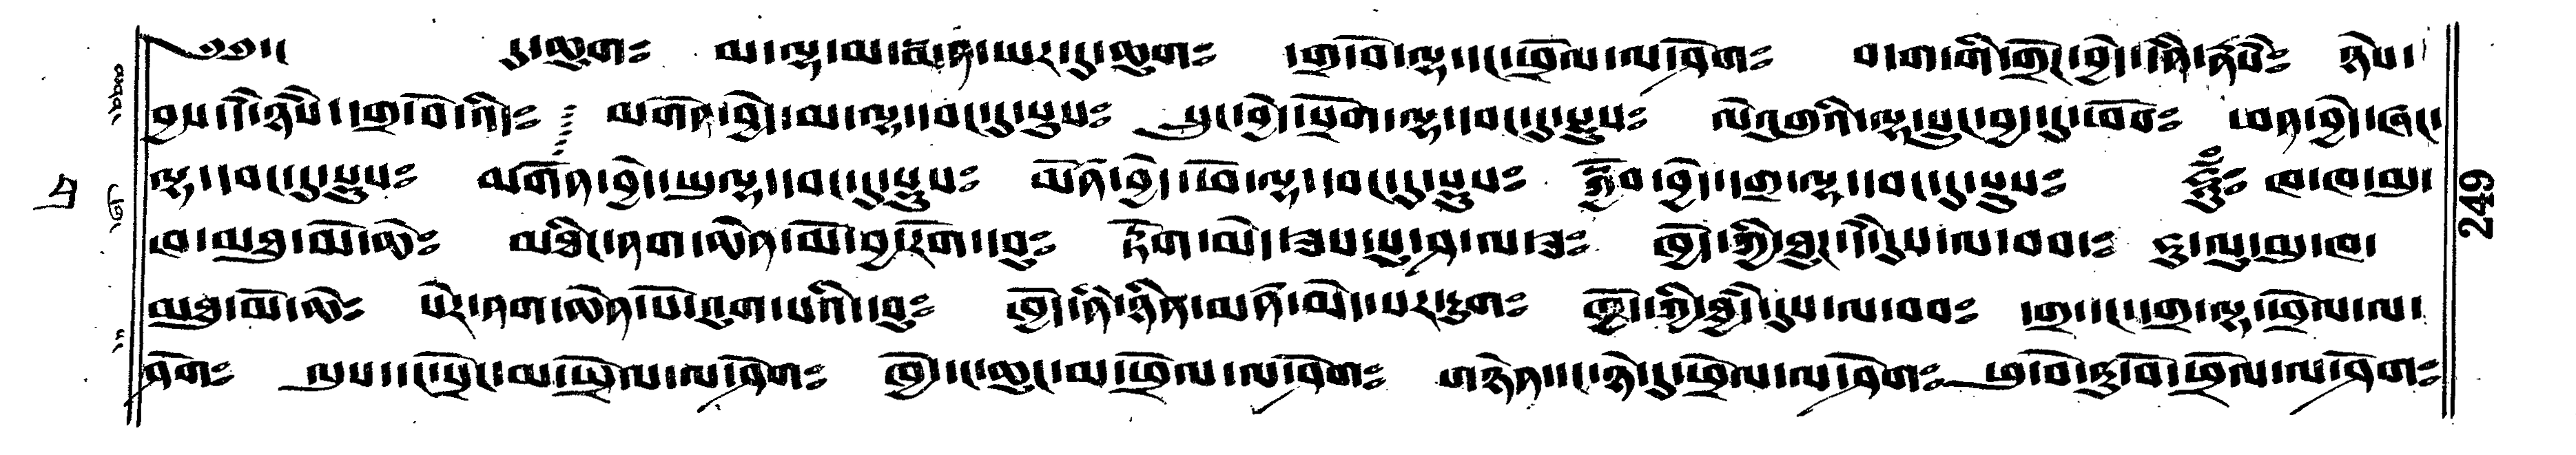དུ་ཆུགསཿ མོ་ལྷ་མོ་སྨན་ཡར་དུ་ཆུགསཿ དགྲ་བོ་ལྷ་དང་ཕྲོལ་ལ་ཤོགཿ བདག་གི་གྲོགས་བྱེད་དམ་ཅན་རྣམསཿ ཉེས་
བྱས་དམ་ཉམས་དགྲ་བོ་འདིའིཿ མགོན་བྱེད་མ་ལྷ་དབང་དུ་སྡུསཿ སྲུང་བྱེད་སྲོག་ལྷ་དབང་དུ་སྡུསཿ ལེའུ་དགུའི་ལྷ་སྲུང་བྱད་དུ་ཕོབསཿ ཕན་བྱེད་ཞང་
ལྷ་དབང་དུ་སྡུསཿ མགོན་བྱེད་ཡུལ་ལྷ་དབང་དུ་སྡུསཿ མཚོན་བྱེད་ཕོ་ལྷ་དབང་དུ་སྡུསཿ སྐྱོབ་བྱེད་དགྲ་ལྷ་དབང་དུ་སྡུསཿ ཧཱུྃཿ ཁ་ཁ་མུ་
ཁ་མཐུ་མོ་ཆེཿ མཐིང་ནག་ཆེན་མོ་བྱ་རོག་དབུཿ རྟོག་མེད་ཟས་སུ་ཤ་ལ་ཟཿ ཁྱོད་ཀྱི་ཐུགས་དམ་དུས་ལ་བབཿ ཧུ་ལུ་མུ་ཁ་
མཐུ་མོ་ཆེཿ སེར་ནག་ཆེན་པོ་འུག་པའི་དབུཿ ཁྱོད་ནི་ཉིན་མཚན་མེད་པར་རྒྱུགཿ ཁྱོད་གྱི་ཐུགས་དམ་དུས་ལ་བབཿ དགྲ་དང་དགྲ་ལྷ་ཕྲོལ་ལ་
ཤོགཿ ལུས་དང་སྲོང་མ་ཕྲོལ་ལ་ཤོགཿ ཁྱོ་དང་ཆུང་མ་ཕྲོལ་ལ་ཤོགཿ གཉེན་དང་ཉེ་དུ་ཕྲོལ་ལ་ཤོགཿཕུ་བོ་ནུ་བོ་ཕྲོལ་ལ་ཤོགཿ